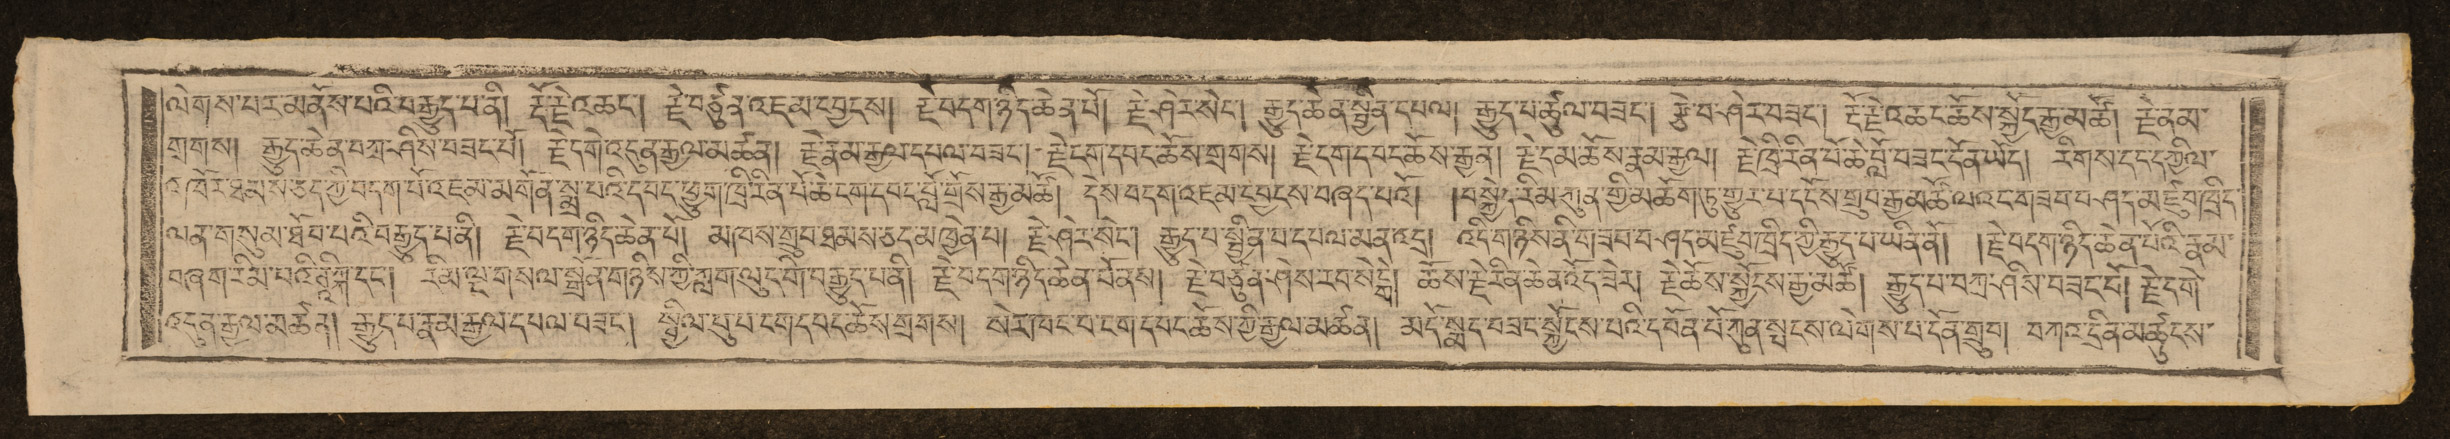ལེགས་པར་མནོས་པའི་བརྒྱུད་པ་ནི། རྡོ་རྗེ་འཆང་། རྗེ་བཙུན་འཇམ་དབྱངས། རྗེ་བདག་ཉིད་ཆེན་པོ། རྗེ་ཤེར་སེང་། རྒྱུད་ཆེན་སྦྱིན་དཔལ། རྒྱུད་པ་ཚུལ་བཟང་། རྩེ་བ་ཤེར་བཟང་། རྡོ་རྗེ་འཆང་ཆོས་སྐྱོང་རྒྱ་མཚོ། རྗེ་ནམ་
གྲགས། རྒྱུད་མིན་བཀྲ་ཤིས་བཟང་པོ། རྗེ་དགེ་འདུན་རྒྱལ་མཚན། རྗེ་རྣམ་རྒྱལ་དཔལ་བཟང་། རྗེ་ངག་དབང་ཆོས་གྲགས། རྗེ་དག་དབང་ཆོས་རྒྱན། རྗེ་དམ་ཆོས་རྣམ་རྒྱལ། རྗེ་ཁྲི་རིན་པོ་ཆེ་བློ་བཟང་དོན་ཡོད། རིགས་དང་དཀྱིལ་
འཁོར་ཐམས་ཅད་ཀྱི་བདག་པོ་འཇམ་མགོན་སྨྲ་བའི་དབང་ཕྱུག་ཁྲི་རིན་པོ་ཆེ་ངག་དབང་བློ་གྲོས་རྒྱ་མཚོ། དེས་བདག་འཇམ་དབྱངས་བཞད་པའོ། །བསྐྱེད་རིམ་ཀུན་གྱི་མཆོག་ཏུ་གྱུར་པ་དངོས་གྲུབ་རྒྱ་མཚོ་ལའང་གཟབ་བཤད་མཛུབ་ཁྲིད་
ལན་གསུམ་ཐོབ་པའི་བརྒྱུད་པ་ནི། རྗེ་བདག་ཉིད་ཆེན་པོ། མཁས་གྲུབ་ཐམས་ཅད་མཁྱེན་པ། རྗེ་ཤེར་སེང་། རྒྱུད་པ་སྦྱིན་པ་དཔལ་མན་འདྲ། འདི་གཉིས་ནི་གཟབ་བཤད་མཛུབ་ཁྲིད་ཀྱི་རྒྱུད་པ་ཡིན་ནོ། །རྗེ་བདག་ཉིད་ཆེན་པོའི་རྣམ་
བཞག་རིམ་པའི་ཊཱིཀྐ་དང་། རིམ་ལྔ་གསལ་སྒྲོན་གཉིས་ཀྱི་ཀླག་ལུང་གེ་བརྒྱུད་པ་ནི། རྗེ་བདག་ཉིད་ཆེན་པོ་ནས། རྗེ་བཙུན་ཤེས་རབ་སེངྒེ། ཆོས་རྗེ་རིན་ཆེན་འོད་ཟེར། རྗེ་ཆོས་སྐྱོངས་རྒྱ་མཚོ། རྒྱུད་པ་བཀྲ་ཤིས་བཟང་པོ། རྗེ་དགེ་
འདུན་རྒྱལ་མཚན། རྒྱུད་པ་རྣམ་རྒྱལ་དཔལ་བཟང་། སྐྱིལ་བུ་བ་ངག་དབང་ཆོས་གྲགས། སེར་ཁང་བ་ངག་དབང་ཆོས་ཀྱི་རྒྱལ་མཚན། མདོ་སྨད་བཟང་སྐྱོངས་པའི་དབོན་པོ་ཀུན་སྤངས་ལེགས་པ་དོན་གྲུབ། བཀའ་དྲིན་མཚུངས་